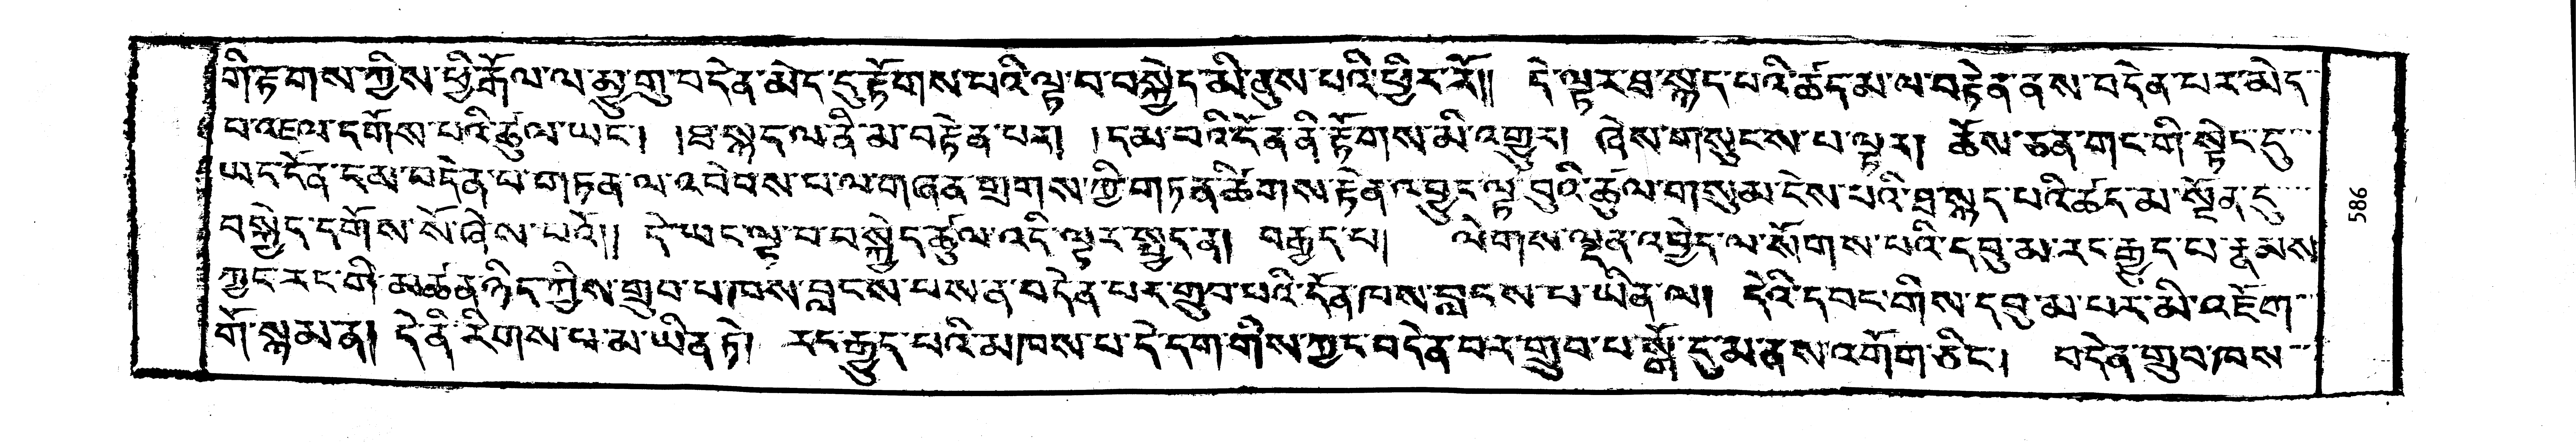གི་རྟགས་ཀྱིས་ཕྱི་རྒོལ་ལ་མྱུ་གུ་བདེན་མེད་དུ་རྟོགས་པའི་ལྟ་བ་བསྐྱེད་མི་ནུས་པའི་ཕྱིར་རོ། །དེ་ལྟར་ཐ་སྙད་པའི་ཚད་མ་ལ་བརྟེན་ནས་བདེན་པར་མེད་
པ་འཇལ་དགོས་པའི་ཚུལ་ཡང་། །ཐ་སྙད་ལ་ནི་མ་བརྟེན་པར། །དམ་པའི་དོན་ནི་རྟོགས་མི་འགྱུར། ཞེས་གསུངས་པ་ལྟར། ཆོས་ཅན་གང་གི་སྟེང་དུ་
ཡང་དོན་དམ་བདེན་པ་གཏན་ལ་འབེབས་པ་ལ་གཞན་གྲགས་ཀྱི་གཏན་ཚིགས་རྟེན་འབྱུང་ལྟ་བུའི་ཚུལ་གསུམ་ངེས་པའི་ཐ་སྙད་པའི་ཚད་མ་སྔོན་དུ་
བསྐྱེད་དགོས་སོ་ཞེས་པའོ། །དེ་ཡང་ལྟ་བ་བསྐྱེད་ཚུལ་འདི་ལྟར་སྤྱད་ན། བརྒྱད་པ། ལེགས་ལྡན་འབྱེད་ལ་སོགས་པའི་དབུ་མ་རང་རྒྱུད་པ་རྣམས་
ཀྱང་རང་གི་མཚན་ཉིད་ཀྱིས་གྲུབ་པ་ཁས་བླངས་ས་པས་ན་བདེན་པར་གྲུབ་པའི་དོན་ཁས་བླངས་པ་ཡིན་ལ། དེའི་དབང་གིས་དབུ་པ་མ་པར་མི་འཇོག་
གོ་སྙམ་ན། དེ་ནི་རིགས་པ་མ་ཡིན་ཏེ། རང་རྒྱུད་པའི་མཁས་པ་དེ་དག་གིས་ཀྱང་བདེན་པར་གྲུབ་པ་སྒོ་དུ་མ་ནས་འགོག་ཅིང་། བདེན་གྲུབ་ཁས་